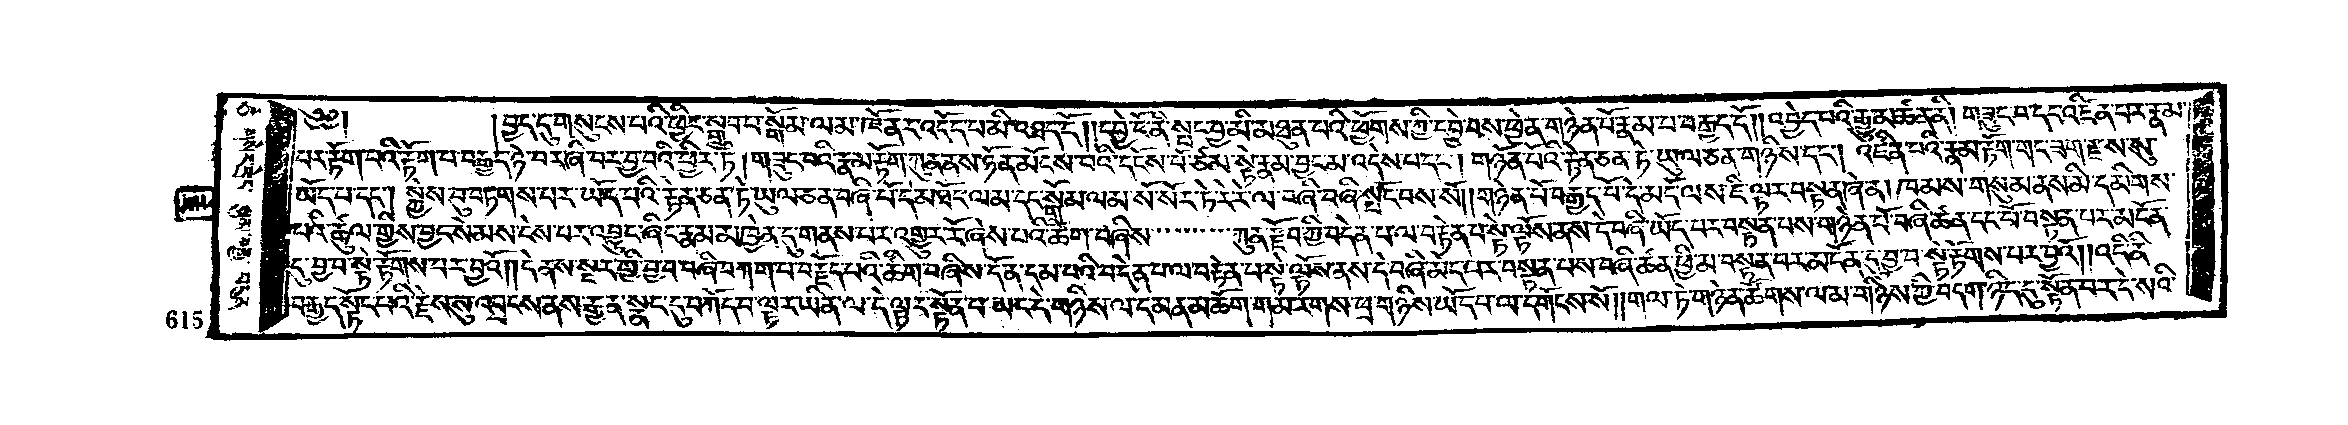༄༅། །བྱེད་དུ་གསུངས་པའི་ཕྱིར་སྒྲུབ་པ་སྒོམ་ལམ་ཁོ་ནར་འདོད་པ་མི་འཐད་དོ། །དབྱེ་ངོ་ནི་སྤང་བྱ་མི་མཐུན་པའི་ཕྱོགས་ཀྱི་དབྱེ་བས་ཕྱེ་ན་གཉེན་པོ་རྣམ་པ་བརྒྱད་དོ། །འབྱེད་པའི་རྒྱུ་མཚན་ནི། གཟུང་བ་དང་འཛིན་པར་རྣམ་
པར་རྟོག་པའི་རྟོག་པ་བརྒྱད་ཉེ་བར་ཞི་བར་བྱ་བའི་ཕྱིར་ཏེ། གཟུང་བའི་རྣམ་རྟོག་ཀུན་ནས་ཉོན་མོངས་པའི་དངོས་པོ་ཙམ་སྟེ་རྣམ་བྱང་མ་འདྲེས་པ་དང་། གཉེན་པོའི་རྟེན་ཅན་ཏེ་ཡུལ་ཅན་གཉིས་དང་། འཛིན་པའི་རྣམ་རྟོག་གང་ཟག་རྫས་སུ་
ཡོད་པ་དང་། སྐྱེས་བུ་བཏགས་པར་ཡོད་པའི་རྟེན་ཅན་ཏེ་ཡུལ་ཅན་བཞི་པོ་དེ་མཐོང་ལམ་དང་སྒོམ་ལམ་སོ་སོར་ཏེ་རེ་རེ་ལ་བཞི་བཞི་སྤོང་བས་སོ། །གཉེན་པོ་བརྒྱད་པོ་དེ་མདོ་ལས་ཇི་ལྟར་བསྟན་ཞེ་ན། ཁམས་གསུམ་ནས་མི་དམིགས་
པའི་ཚུལ་གྱིས་བྱང་སེམས་ངེས་པར་འབྱུང་ཞིང་རྣམ་མཁྱེན་དུ་གནས་པར་འགྱུར་རོ་ཞེས་པའི་ཚིག་བཞིས་ཀུན་རྫོབ་ཀྱི་བདེན་པ་ལ་བརྟེན་པ་སྟེ་ལྟོས་ནས་དེ་བཞི་ཡོད་པར་བསྟན་པས་གཉེན་པོ་བཞི་ཚན་དང་པོ་བསྟན་པར་མངོན་
དུ་བྱ་བ་སྟེ་རྟོགས་པར་བྱའོ། །དེ་ནས་སྔར་གྱི་བྱ་བ་བཞི་བཀག་པ་བརྗོད་པའི་ཚིག་བཞིས་དོན་དམ་པའི་བདེན་པ་ལ་བརྟེན་པ་སྟེ་ལྟོས་ནས་དེ་བཞི་མེད་པར་བསྟན་པས་བཞི་ཚན་ཕྱི་མ་བསྟན་པར་མངོན་དུ་བྱ་བ་སྟེ་རྟོགས་པར་བྱའོ། །འདི་ནི་
བརྒྱད་སྟོང་པའི་རྗེས་སུ་འབྲངས་ནས་རྒྱན་སྣང་དུ་བཀོད་པ་ལྟར་ཡིན་ལ་དེ་ལྟར་སྟོན་པ་ཡང་དེ་གཉིས་ལ་དམན་མཆོག་གམ་རགས་པྲ་གཉིས་ཡོད་པ་ལ་དགོངས་སོ། །གལ་ཏེ་གཉེན་ཚོགས་ལམ་གཉིས་ཀྱི་བདག་ཉིད་དུ་སྟོན་པར་དེ་སའི་